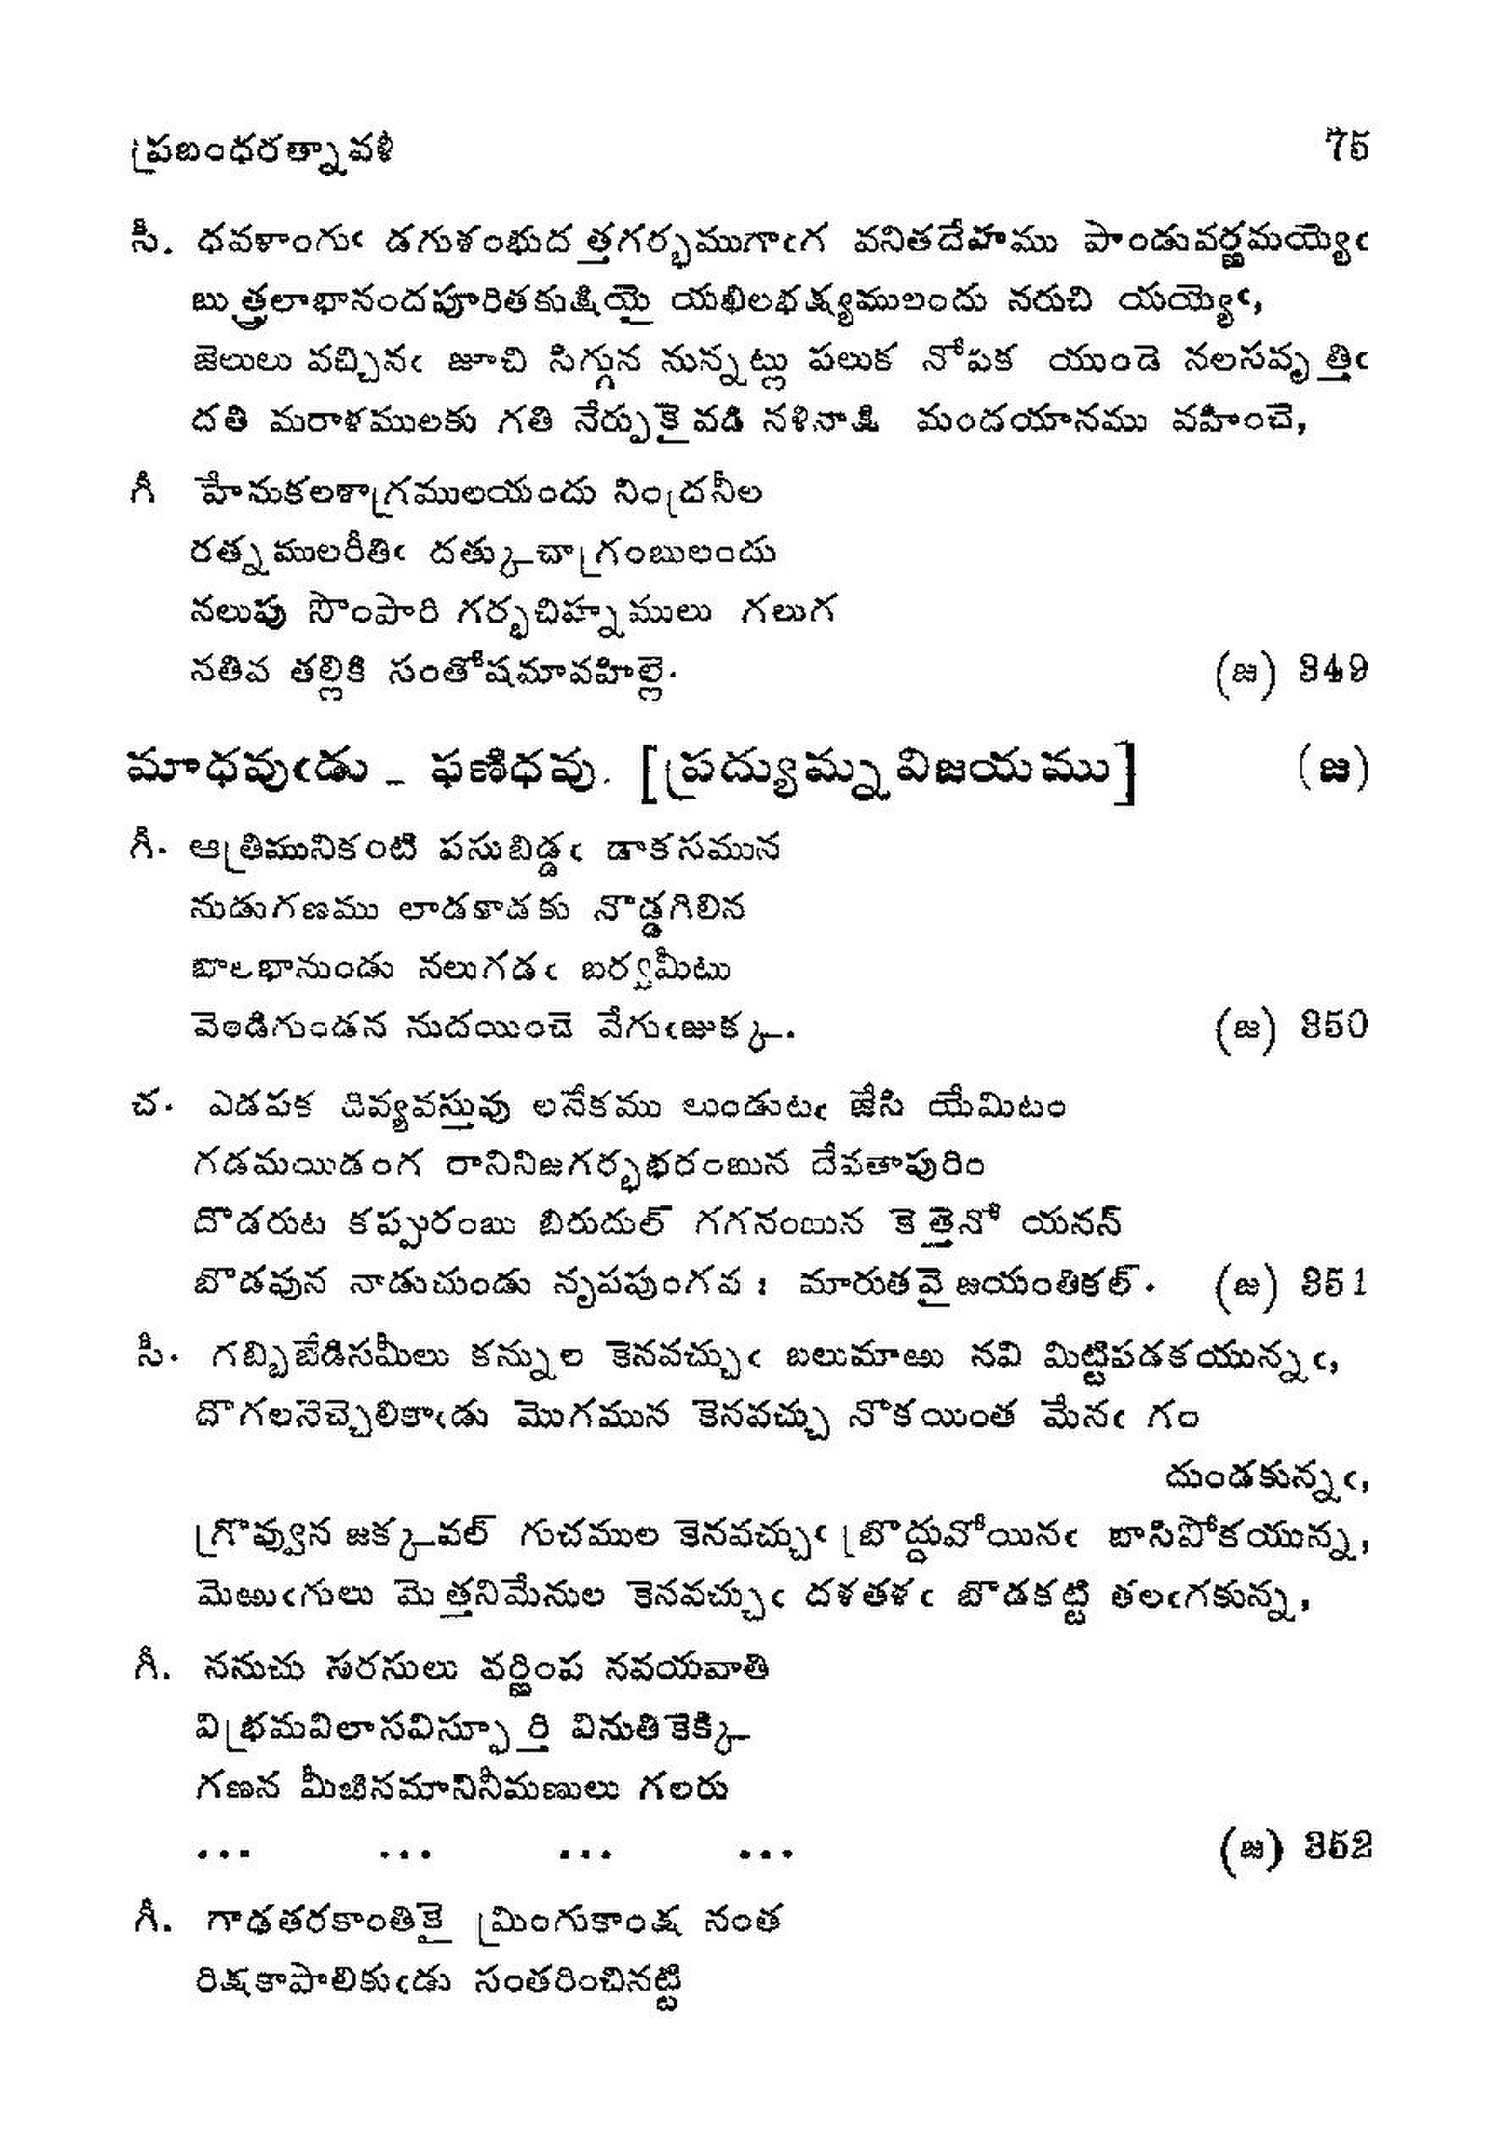సీ. ధవళాంగుఁడగు శంభుదత్తగర్భముగాఁగ వనితదేహము పాండు వర్ణమయ్యెఁ
బుత్త్రలాభానంద పూరితకుక్షియై యఖిలభక్ష్యములందు నరుచియయ్యెఁ
జెలులు వచ్చినఁ జూచి సిగ్గున నున్నట్లు పలుక నోపక యుండె నలసవృత్తిఁ
దతి మరాళములకు గతినేర్పుకై వడి నలినాక్షి మందయానము వహించె
తే. హేమకలశాగ్రములయందు నింద్రనీల
రత్నములరీతిఁ దత్కుచాగ్రంబులందు
నలుపు సొంపారి గర్భచిహ్నములు గలుగ
నతివ తల్లికి సంతోష మావహిల్లె. (జ) 349

మాధవుఁడు, ఫణిధవు [ప్రద్యుమ్నవిజయము] (జ)
గీ. అత్రిముని కంటి పసుబిడ్డఁ డాకసమున
నుడుగణము లాడకాడకు నొడ్డగిలిన
బాలభానుండు నలుగడఁ బర్వమీటు
వెండిగుండన నుదయించె వేగుఁజుక్క. (జ) 350

చ. ఎడపక దివ్యవస్తువు లనేకము లుండుటఁ జేసి యేమిటం
గడమ యిడంగరాని నిజగర్భభరంబున దేవతాపురిం
దొడరుట కప్పురంపు బిరుదుల్ గగనంబున కెత్తెనో యనన్
బొడవున నాడుచుండు నృపపుంగవ! మారుతవైజయంతికల్. (జ) 351

సీ. గబ్బిబేడిస మీలు కన్నుల కెనవచ్చుఁ బలుమాఱు నవి మిట్టి పడకయున్నఁ
దొగలనెచ్చెలికాఁడు మొగమున కెనవచ్చు నొకయింత మేనఁ గందుండకున్నఁ
గ్రొవ్వున జక్కవల్ గుచముల కెనవచ్చుఁ బ్రొద్దువోయినఁ బాసిపోకయున్న
మెఱుఁగులు మెత్తనిమేనుల కెనవచ్చుఁ దళతళఁ బొడకట్టి తలఁగకున్న
గీ. ననుచు సరసులు వర్ణింప నవయవాతి
విభ్రమవిలాసవిస్ఫూర్తి వినుతి కెక్కి
గణన మీఱిన మానినీమణులు గలరు
... ..... ...... ....... .... ..... (జ) 352

గీ. గాఢతరకాంతికై మ్రింగుకాంక్ష నంత
రిక్షకాపాలికుఁడు సంతరించినట్టి